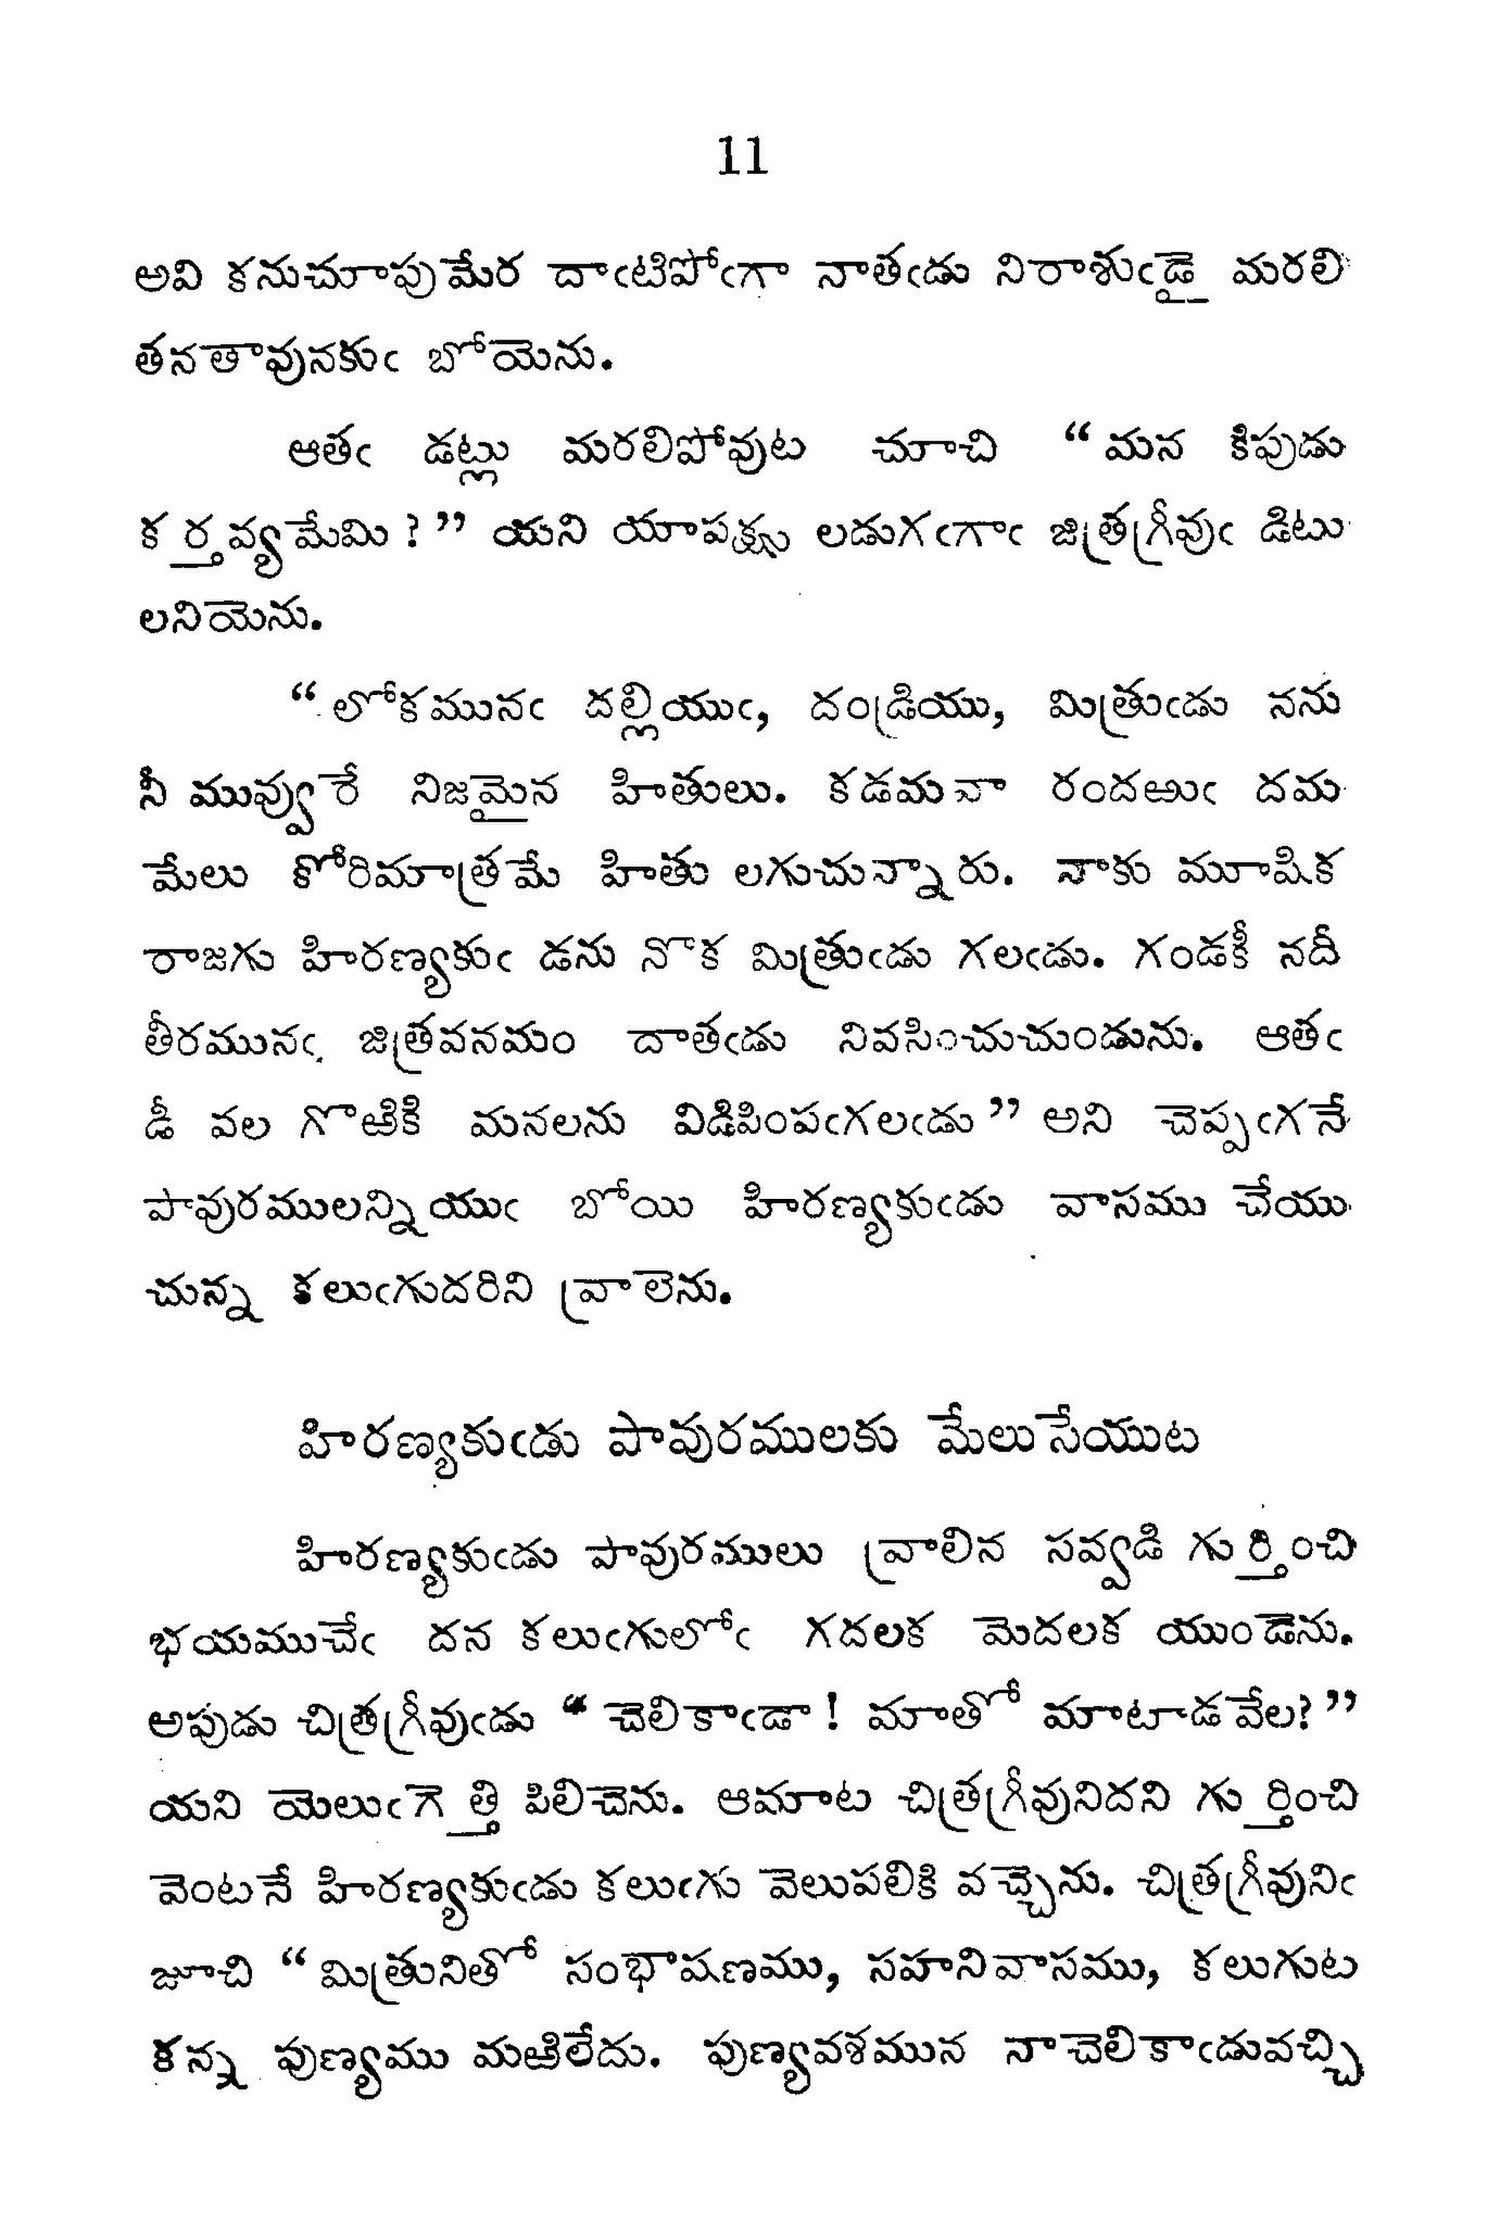అవి కనుచూపుమేర దాటిపోగా నాతడు నిరాశుడై మరలి తనతావునకు బోయెను.

ఆత డట్లు మరలిపోవుట చూచి "మన కిపుడు కర్తవ్యమేమి?" యని యాపక్షు లడుగగా జిత్రగ్రీవు డిటు లనియెను.

"లోకమున దల్లియు, దండ్రియు, మిత్రుడు నను నీ మువ్వురే నిజమైన హితులు. కడమవా రందఱు దమమేలు కోరిమాత్రమే హితు లగుచున్నారు. నాకు మూషిక రాజగు హిరణ్యకు డను నొక మిత్రుడు గలడు. గండకీ నదీతీరమున జిత్రవనమం దాతడు నివసించుచుండును. ఆతడీ వల గొఱికి మనలను విడిపింపగలడు" అని చెప్పగనే పావురములన్నియు బోయి హిరణ్యకుడు వాసము చేయుచున్న కలుగుదరిని వ్రాలెను.

హిరణ్యకుడు పావురములు వ్రాలిన సవ్వడి గుర్తించి భయముచే దన కలుగులో గదలక మెదలక యుండెను. అపుడు చిత్రగ్రీవుడు "చెలికాడా! మాతో మాటాడవేల?" యని యెలుగెత్తి పిలిచెను. ఆమాట చిత్రగ్రీవునిదని గుర్తించి వెంటనే హిరణ్యకుడు కలుగు వెలుపలికి వచ్చెను. చిత్రగ్రీవుని జూచి "మిత్రునితో సంభాషణము, సహనివాసము, కలుగుట కన్న పుణ్యము మఱిలేదు. పుణ్యవశమున నాచెలికాడువచ్చి